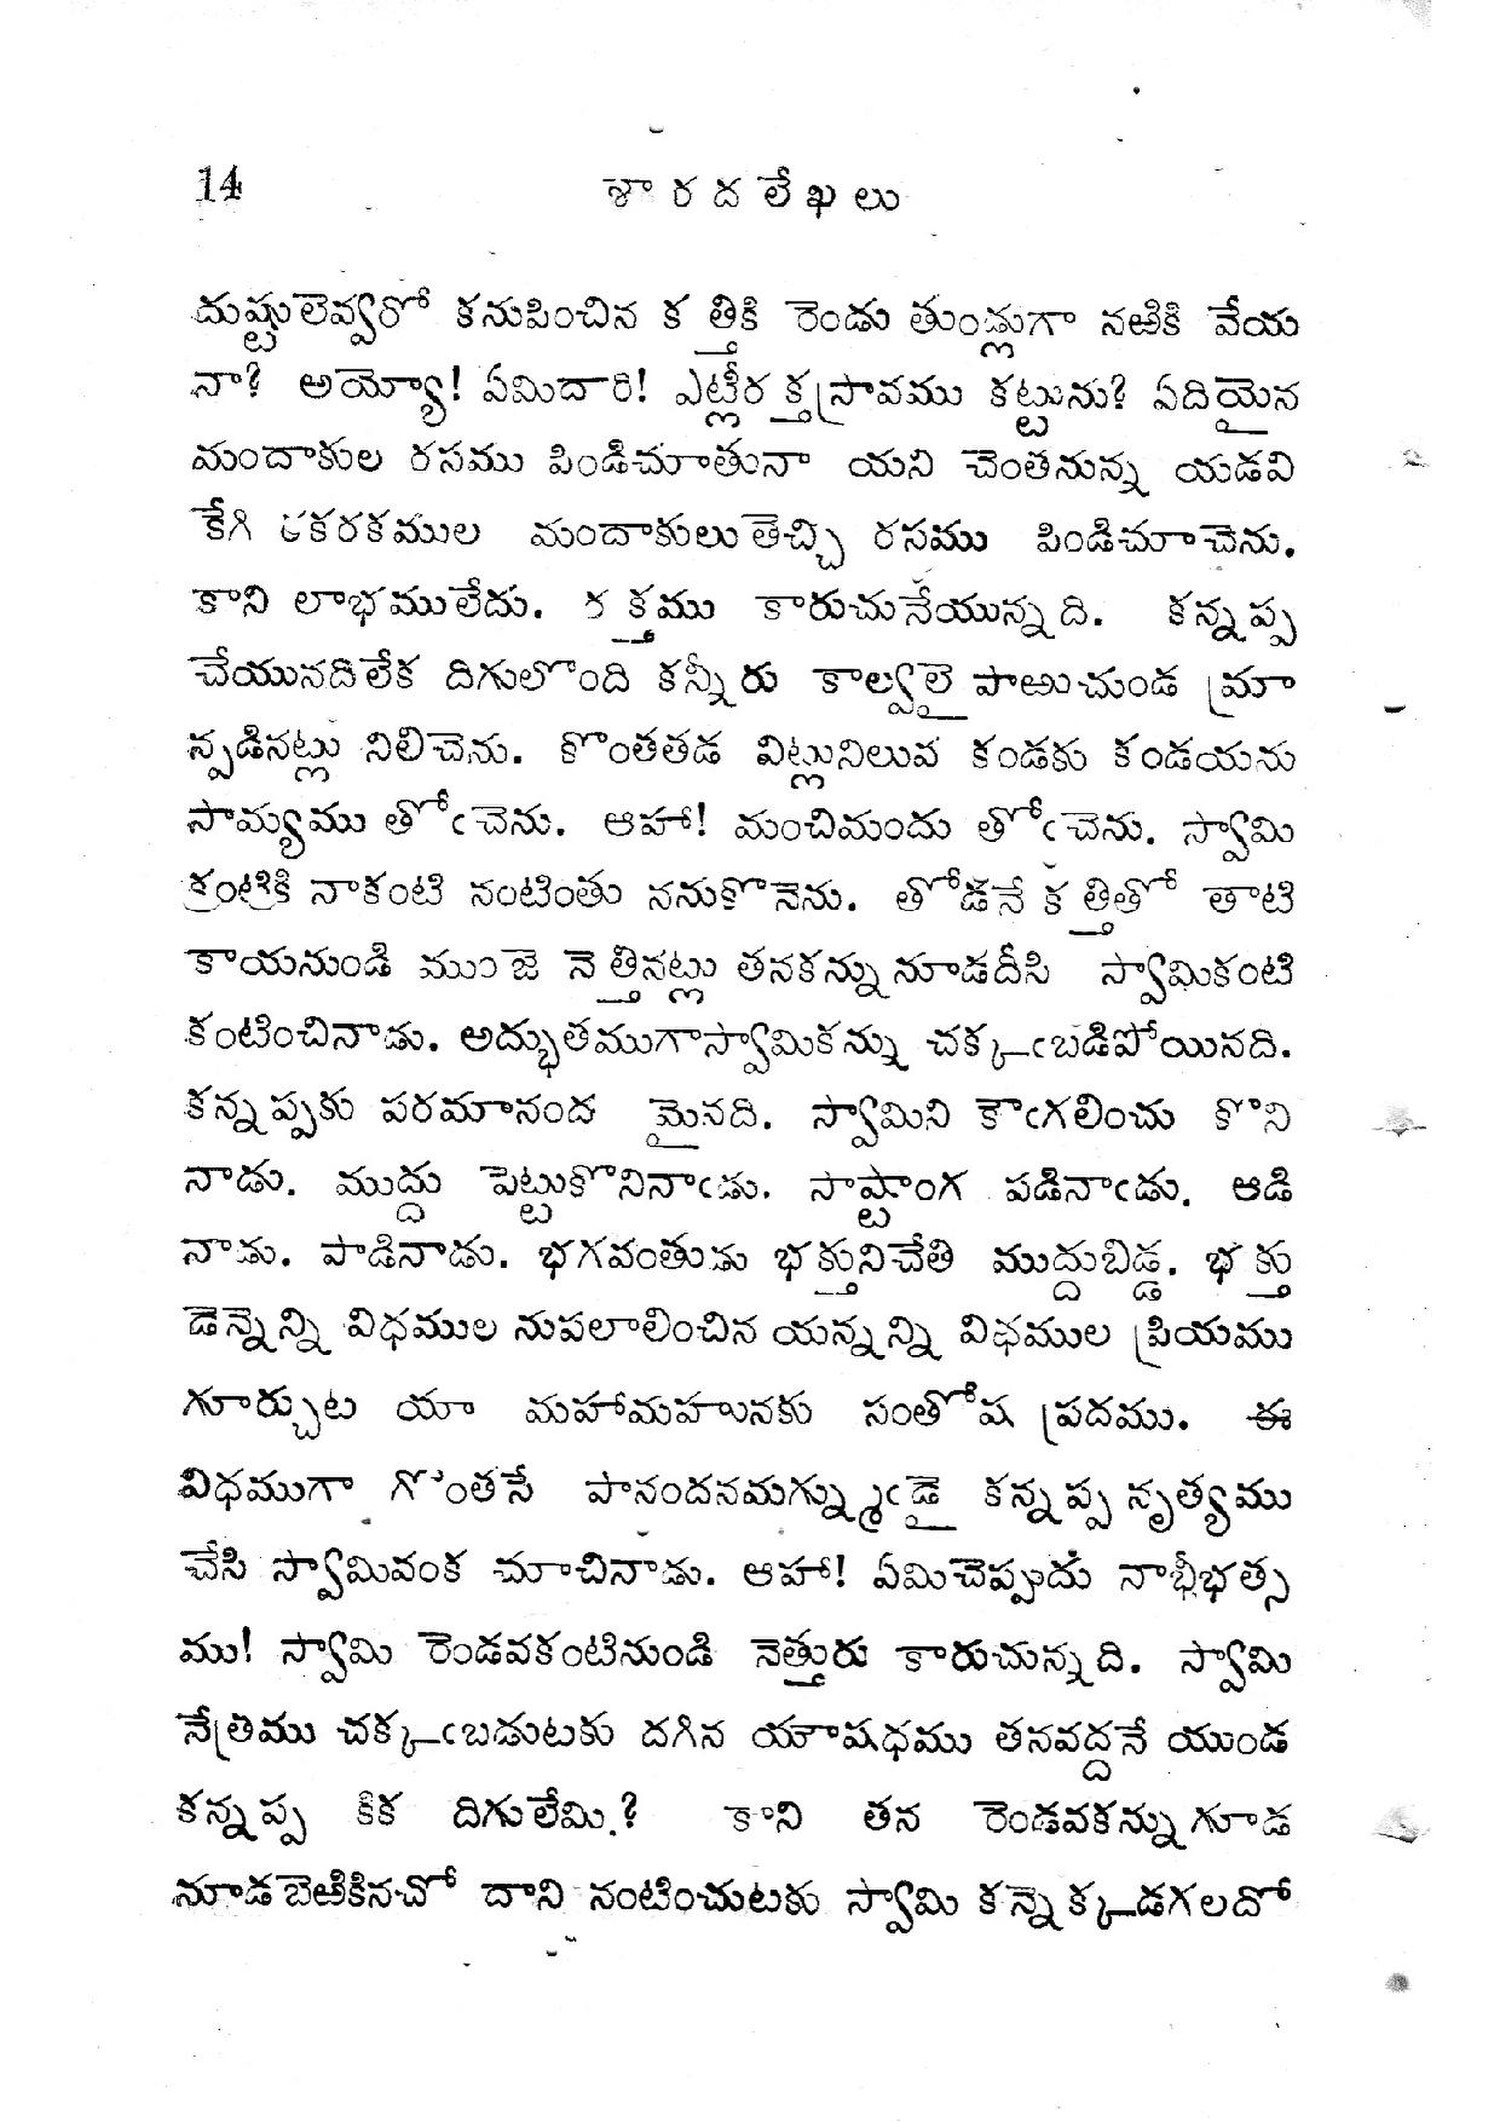దుష్టులెవ్వరో కనుపించిన కత్తికి రెండు తుండ్లుగా నఱికి వేయనా? అయ్యో! ఏమిదారి! ఎట్లీరక్తస్రావము కట్టును? ఏదియైన మందాకుల రసము పిండిచూతునా యని చెంతనున్న యడవి కేగి రకరకముల మందాకులు తెచ్చి రసము పిండిచూచెను. కాని లాభములేదు. రక్తము కారుచునేయున్నది. కన్నప్ప
చేయునదిలేక దిగులొంది కన్నీరు కాల్వలై పాఱుచుండ మ్రాన్పడినట్లు నిలిచెను. కొంతతడ విట్లునిలువ కండకు కండయను సామ్యము తోఁచెను. ఆహా! మంచిమందు తోఁచెను. స్వామి కంటికి నాకంటి నంటింతు ననుకొనెను. తోడనే కత్తితో తాటికాయనుండి ముంజె నెత్తినట్లు తనకన్ను నూడదీసి
స్వామికంటి కంటించినాడు. అద్భుతముగాస్వామికన్ను చక్కఁబడిపోయినది. కన్నప్పకు పరమానంద మైనది. స్వామిని కౌఁగలించు కొనినాడు. ముద్దు పెట్టుకొనినాఁడు. సాష్టాంగ పడినాఁడు. ఆడినాడు. పాడినాడు. భగవంతుడు భక్తునిచేతి ముద్దుబిడ్డ. భక్తు డెన్నెన్ని విధముల నుపలాలించిన యన్నన్ని విధముల ప్రియము
గూర్చుట యా మహామహునకు సంతోష ప్రదము. ఈ విధముగా గొంతసే పానందనమగ్నుడై కన్నప్ప నృత్యముచేసి స్వామివంక చూచినాడు. ఆహా! ఏమి చెప్పుదు నాభీభత్సము! స్వామి రెండవకంటినుండి నెత్తురు కారుచున్నది. స్వామి నేత్రము చక్కఁబడుటకు దగిన యౌషధము తనవద్దనే యుండ కన్నప్ప కిక దిగులేమి ? కాని తన రెండవకన్ను గూడ నూడబెఱికినచో దాని నంటించుటకు స్వామి కన్నెక్కడగలదో